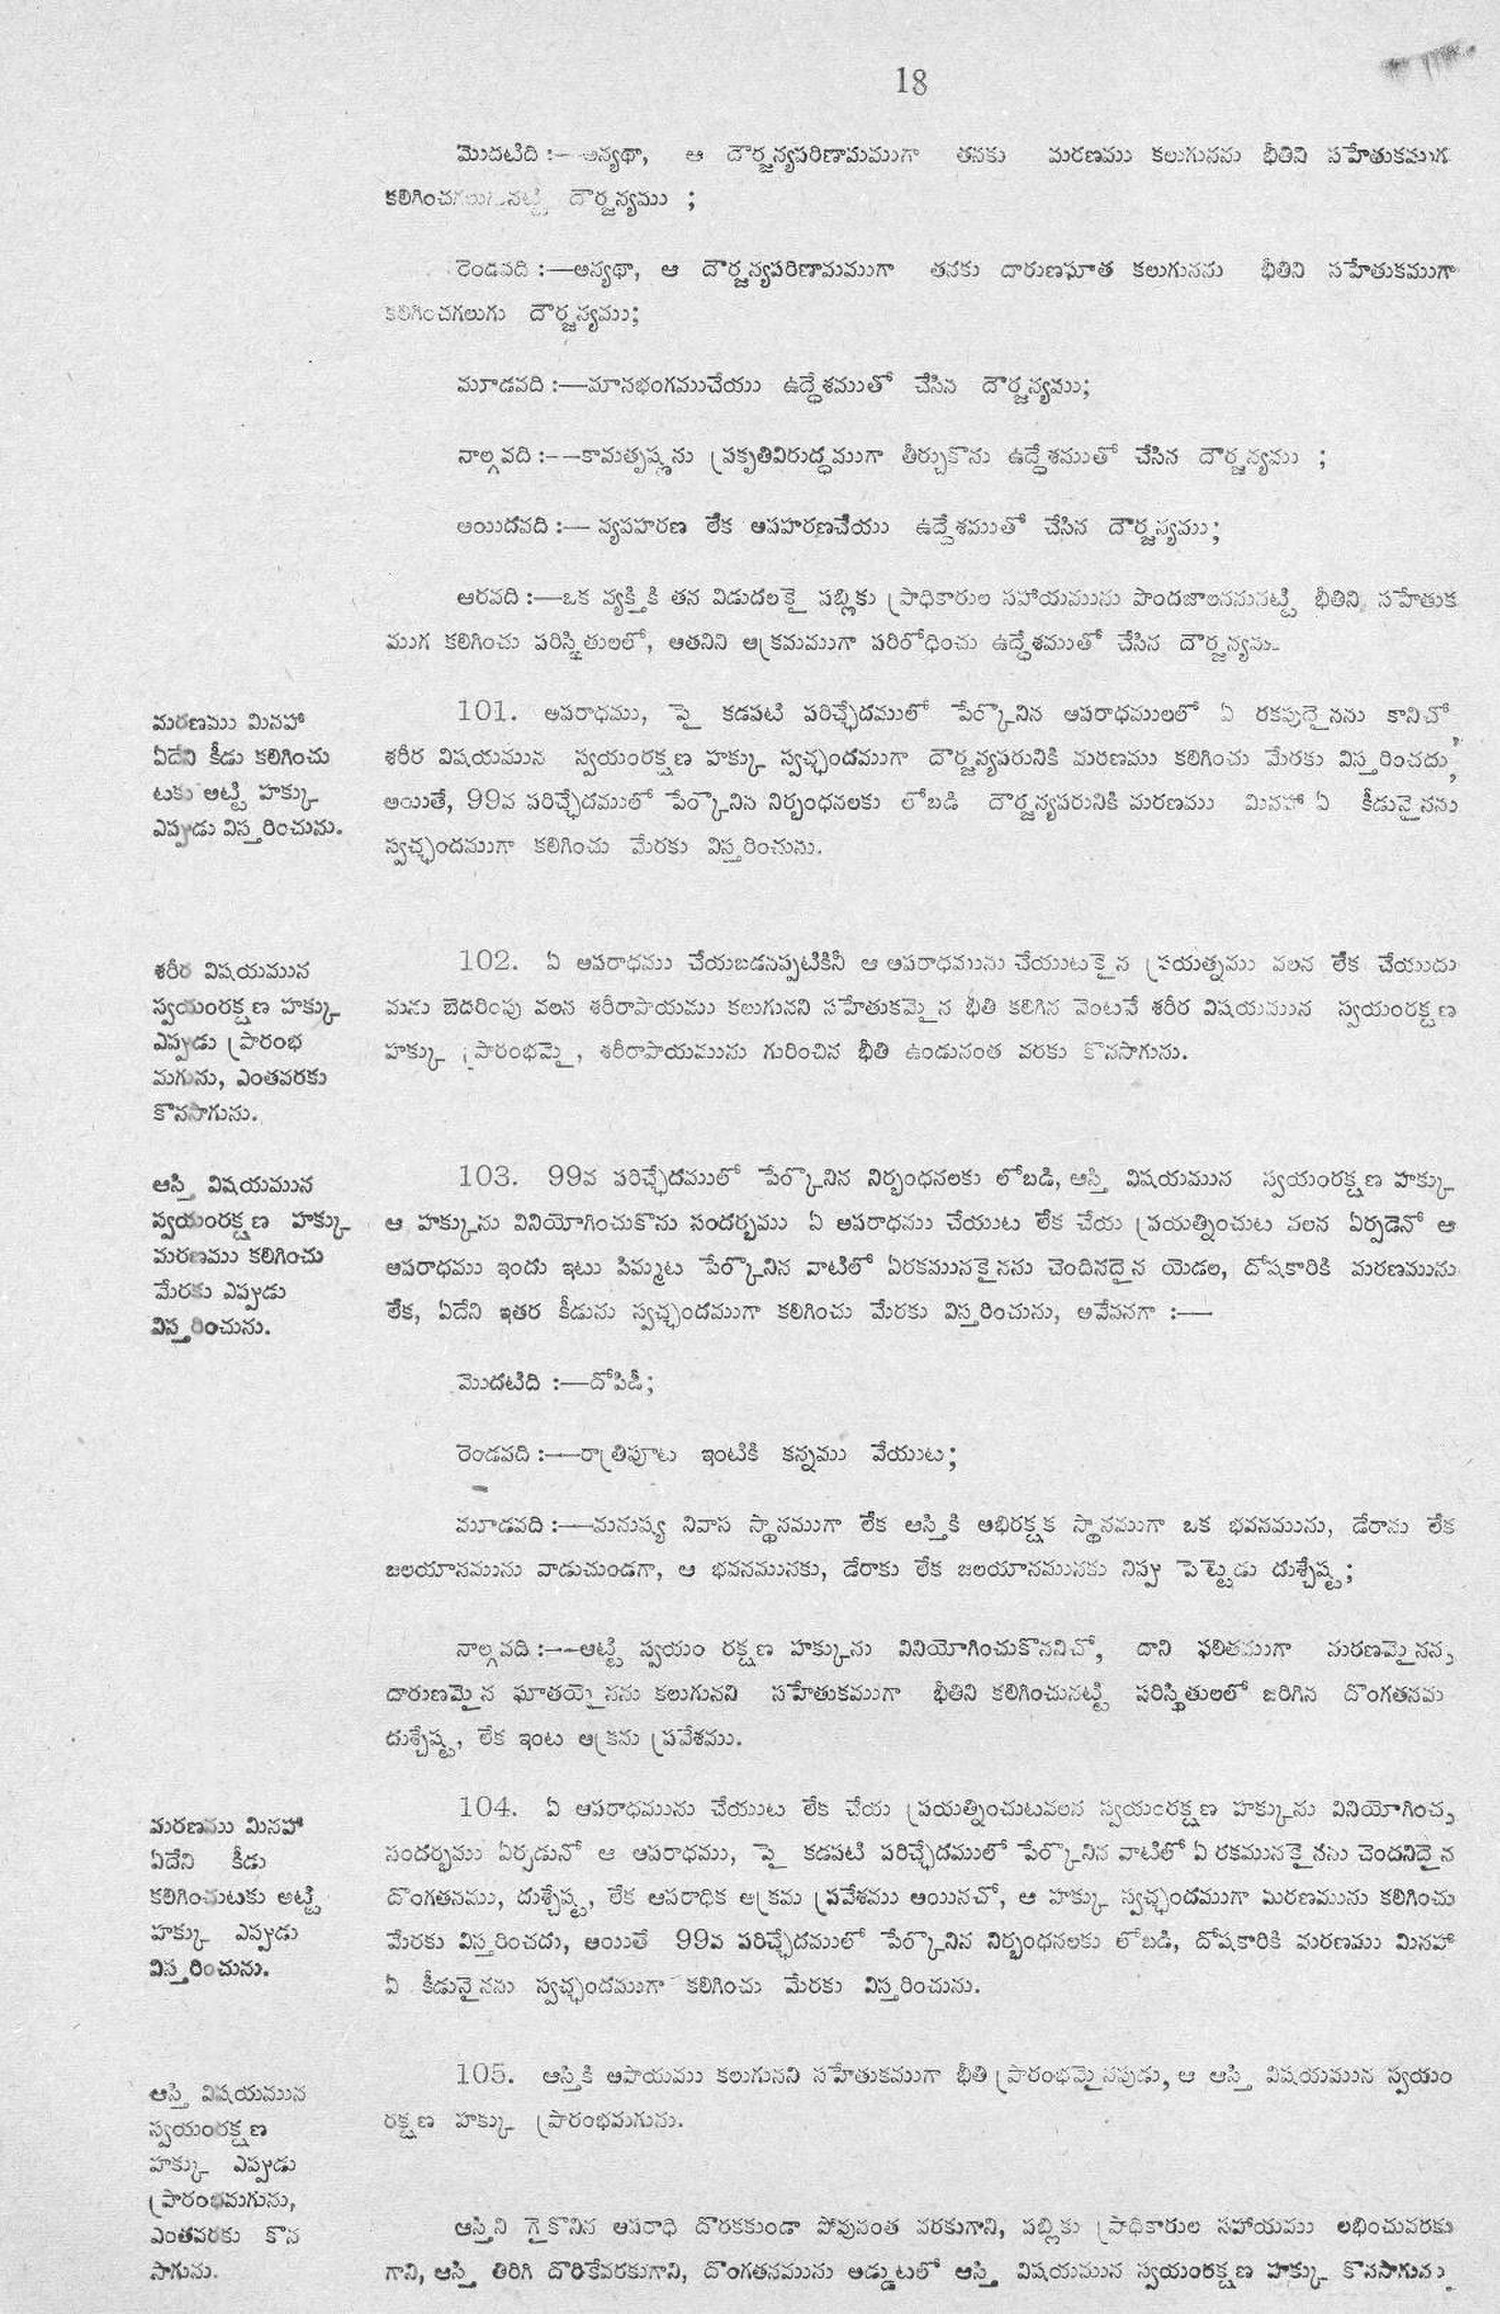మొదటిది :- అన్యథా,ఆ దౌర్జన్యపరిణామముగా తనకు మరణము కలుగునను భీతిని సహేతుకముగ కలిగించగలుగునట్టి దౌర్జన్యము ;

రెండవది :—అన్యథా, ఆ దౌర్జన్యపరిణామముగా తనకు దారుణ ఘాత కలుగునను భీతిని సహేతుకముగా కలిగించగలుగు దౌర్జన్యము;

మూడవది :—మానభంగముచేయు ఉద్దేశముతో చేసిన దౌర్జన్యము,

నాల్గ వది :-- కామతృష్ణను ప్రకృతి విరుద్ధముగా తీర్చుకొను ఉద్దేశముతో చేసిన దౌర్జన్యము ;

అయిదవది :--- వ్యవహరణ లేక ఆపహరణచేయు ఉద్దేశముతో చేసిన దౌర్జన్యము;

ఆరవది :— ఒక వ్యక్తికి తన విడుదలకై పబ్లికు ప్రాధికారుల సహాయమును పొందజాలనను నట్టి భీతిని సహేతుకముగ కలిగించు పరిస్థితులలో, ఆతనిని ఆక్రమముగా పరిరోధించు ఉద్దేశముతో చేసిన దౌర్జన్యము.

మరణము మినహా ఏదేని కీడు కలిగించుటకు అట్టి హక్కు ఎప్పుడు విస్తరించును.

101. అపరాధము, పై కడపటి పరిచ్ఛేదములో పేర్కొనిన ఆపరాధములలో ఏ రకపుదైనను కానిచో శరీర విషయమున స్వయంరక్షణ హక్కు స్వచ్ఛందముగా దౌర్జన్యపరునికి మరణము కలిగించు మేరకు విస్తరించదు. అయితే, 99వ పరిచ్ఛేదములో పేర్కొనిన నిర్బంధనలకు లోబడి దౌర్జన్యపరునికి మరణము మినహా ఏ కీడునైనను స్వచ్ఛందముగా కలిగించు మేరకు విస్తరించును.

శరీర విషయమున స్వయంరక్షణ హక్కు ఎప్పుడు ప్రారంభమగును, ఎంతవరకు కొనసాగును.

102. ఏ అపరాధము చేయబడనప్పటికినీ ఆ ఆపరాధమును చేయుటకైన ప్రయత్నము వలన లేక చేయుదుమను బెదరింపు వలన శరీరాపాయము కలుగునని సహేతుకమైన భీతి కలిగిన వెంటనే శరీర విషయమున స్వయంరక్షణ
హక్కు ప్రారంభమై, శరీరాపాయమును గురించిన భీతి ఉండునంత వరకు కొనసాగును.

ఆస్తి విషయమున స్వయంరక్షణ హక్కు మరణము కలిగించు మేరకు ఎప్పుడు విస్తరించును.

103. 99వ పరిచ్ఛేదములో పేర్కొనిన నిర్భంధనలకు లోబడి, ఆస్తి విషయమున స్వయంరక్షణ హక్కు ఆ హక్కును వినియోగించుకొను సందర్భము ఏ అపరాధము చేయుట లేక చేయ ప్రయత్నించుట వలన ఏర్పడెనో ఆ ఆపరాధము ఇందు ఇటు పిమ్మట పేర్కొనిన వాటిలో ఏరకమునకైనను చెందినదైన యెడల, దోషకారికి మరణమును లేక, ఏదేని ఇతర కీడును స్వచ్ఛందముగా కలిగించు మేరకు విస్తరించును, అవేవనగా :-

మొదటిది :- దోపిడీ;

రెండవది :- రాత్రిపూట ఇంటికి కన్నము వేయుట;

మూడవది : మనుష్య నివాస స్థానముగా లేక ఆస్తికి ఆభిరక్షక స్థానముగా ఒక భవనమును, డేరాను లేక జలయానమును వాడుచుండగా, ఆ భవనమునకు, డేరాకు లేక జలయానమునకు నిప్పు పెట్టెడు దుశ్చేష్ట ;

నాల్గవది :--అట్టి స్వయం రక్షణ హక్కును వినియోగించుకొననిచో, దాని ఫలితముగా మరణమైనను దారుణమైన ఘాతయైనను కలుగునని సహేతుకముగా భీతిని కలిగించునట్టి పరిస్తితులలో జరిగిన దొంగతనము, దుశ్చేష్ట, లేక ఇంట అక్రమ ప్రవేశము.

మరణము మినహా ఏదేని కీడు కలిగించుటకు అట్టి హక్కు ఎప్పుడు విస్తరించును.

104. ఏ ఆపరాధమును చేయుట లేక చేయ ప్రయత్నించుటవలన స్వయం రక్షణ హక్కును వినియోగించ, సందర్భము ఏర్పడునో ఆ ఆపరాధము, పై కడపటి పరిచ్ఛేదములో పేర్కొనిన వాటిలో ఏ రకమునకైనను చెందనిదైన దొంగతనము, దుశ్చేష్ట , లేక అపరాధిక ఆక్రమ ప్రవేశము అయినచో, ఆ హక్కు స్వచ్ఛందముగా మరణమును కలిగించు మేరకు విస్తరించదు, అయితే 99వ పరిచ్ఛేదములో పేర్కొనిన నిర్బంధనలకు లోబడి, దోషకారికి మరణము మినహా ఏ కీడునైనను స్వచ్ఛందముగా కలిగించు మేరకు విస్తరించును.

ఆస్తి విషయమున స్వయం రక్షణ హక్కు ఎప్పుడు ప్రారంభమగును, ఎంతవరకు కొనసాగును.

105. ఆస్తికి ఆపాయము కలుగునని సహేతుకముగా భీతి ప్రారంభమైనపుడు, ఆ ఆస్తి విషయమున స్వయం రక్షణ హక్కు ప్రారంభమగును.

ఆస్తిని గైకొనిన ఆపరాధి దొరకకుండా పోవునంత వరకుగాని, పబ్లికు ప్రాధికారుల సహాయము లభించువరకు గాని, ఆస్తి తిరిగి దొరికేవరకుగాని, దొంగతనమును అడ్డుటలో ఆస్తి విషయమున స్వయంరక్షణ హక్కు కొనసాగును.